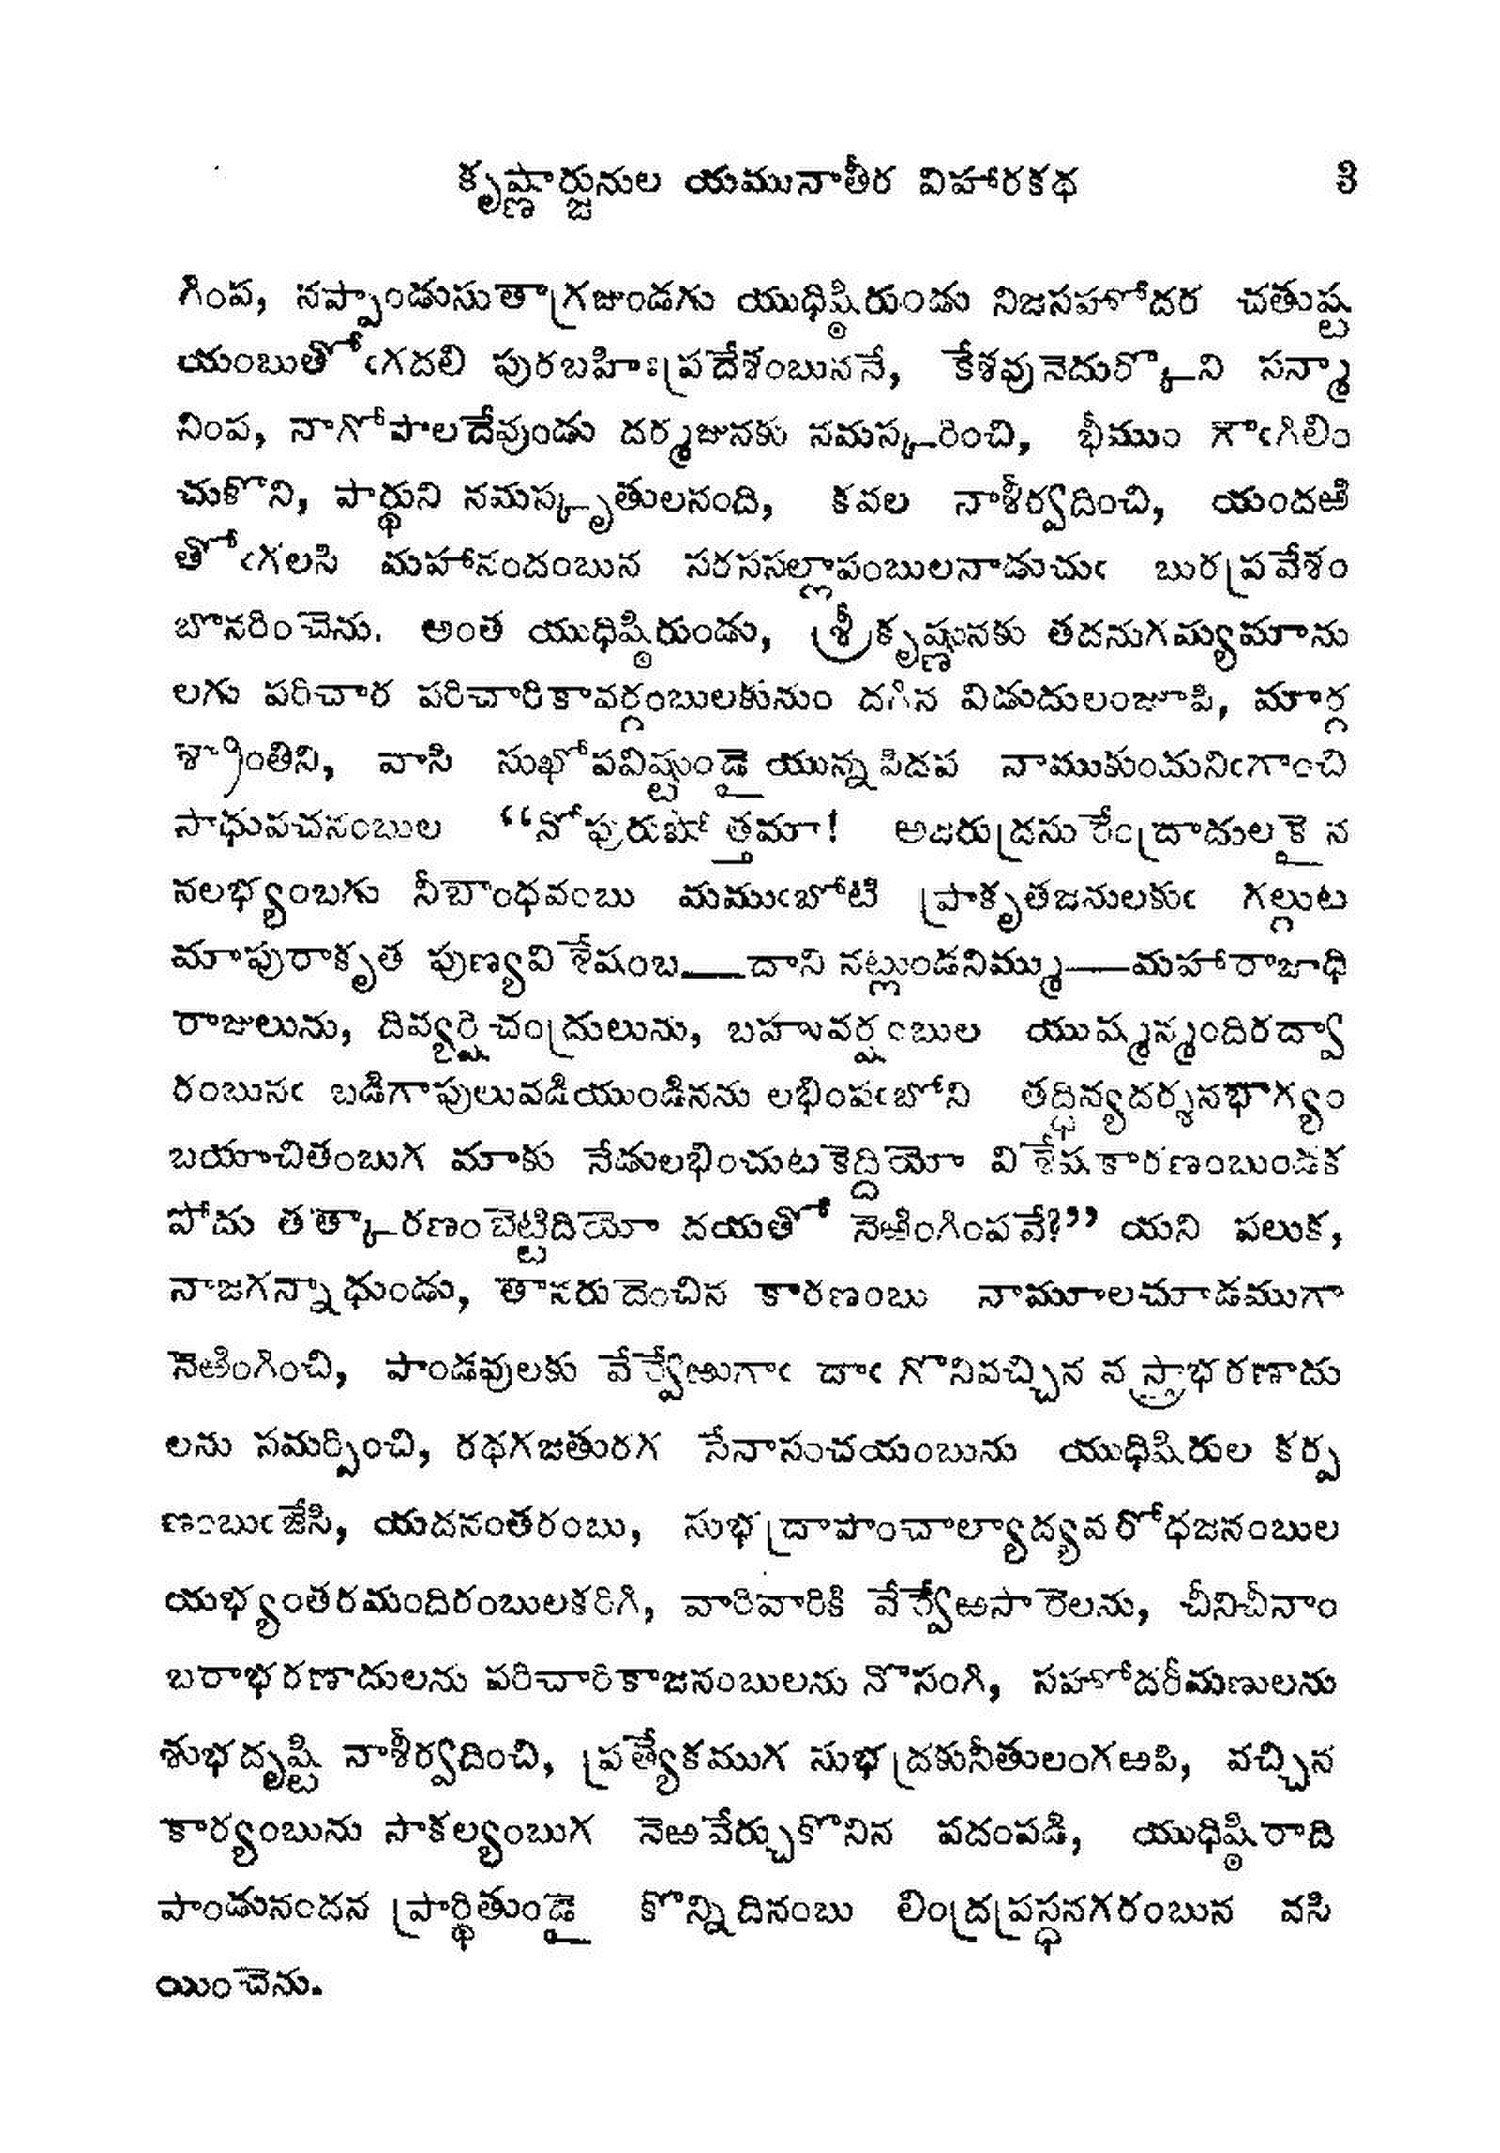గింప, నప్పాండుసుతాగ్రజుండగు యుధిష్ఠిరుండు నిజసహోదర చతుష్టయంబుతోఁగదలి పుర బహిఃప్రదేశంబుననే, కేశవు నెదుర్కొని సన్మా
నింప, నాగోపాల దేవుండు దర్మజునకు నమస్కరించి, భీముం గౌఁగిలించుకొని, పార్థుని నమస్కృతులనంది, కవల నాశీర్వదించి, యందఱితోఁగలసి మహానందంబున సరససల్లాపంబులనాడుచుఁ బుర ప్రవేశం బొనరించెను. అంత యుధిష్ఠిరుండు, శ్రీకృష్ణునకు తదనుగమ్యమానులగు పరిచార పరిచారికావర్గంబులకునుం దగిన విడుదులంజూపి, మార్గశ్రాంతిని, వాసి సుఖోపవిష్టుండై యున్న పిదప నాముకుందునిఁగాంచి సాధువచనంబుల "నో ఫురుషోత్తమా! అజరుద్రసురేంద్రాదులకైన నలభ్యంబగు నీ బాంధవంబు మముఁబోటి ప్రాకృతజనులకుఁ గల్గుట మాపురాకృత పుణ్యవిశేషంబ ——దాని నట్లుండనిమ్ము——మహా రాజాధిరాజులును, దివ్యర్షి చంద్రులును, బహువర్షఁబుల యుష్మన్మందిర ద్వారంబునఁ బడిగాపులువడియుండినను లభింపఁబోని తద్దిన్య దర్శన భాగ్యం బయాచితంబుగ మాకు నేడులభించుట కెద్దియో విశేష కారణంబుండక పోదు తత్కారణం బెట్టిదియో దయతో నెఱింగింపవే?” యని పలుక, నాజగన్నాధుండు, తానరు దెంచిన కారణంబు నామూలచూడముగా నెఱింగించి, పాండవులకు వేర్వేఱుగాఁ దాఁ గొనివచ్చిన వస్రాభరణాదులను సమర్పించి, రథగజతురగ సేనాసంచయంబును యుధిషిరుల కర్పణంబుఁ జేసి, యదనంతరంబు, సుభద్రాపాంచాల్యాద్యవ రోధజనంబుల యభ్యంతర మందిరంబులకరిగి, వారివారికి వేర్వేఱసారెలను, చీనిచీనాంబరాభరణాదులను పరిచారి కాజనంబులను నొసంగి, సహోదరీ మణులను శుభదృష్టి నాశీర్వదించి, ప్రత్యేకముగ సుభద్రకునీతులంగఱపి, వచ్చిన కార్యంబును సాకల్యంబుగ నెఱవేర్చుకొనిన పదంపడి, యుధిష్ఠిరాది పాండునందన ప్రార్థితుండై కొన్ని దినంబు లింద్రప్రస్థనగరంబున వసియించెను.